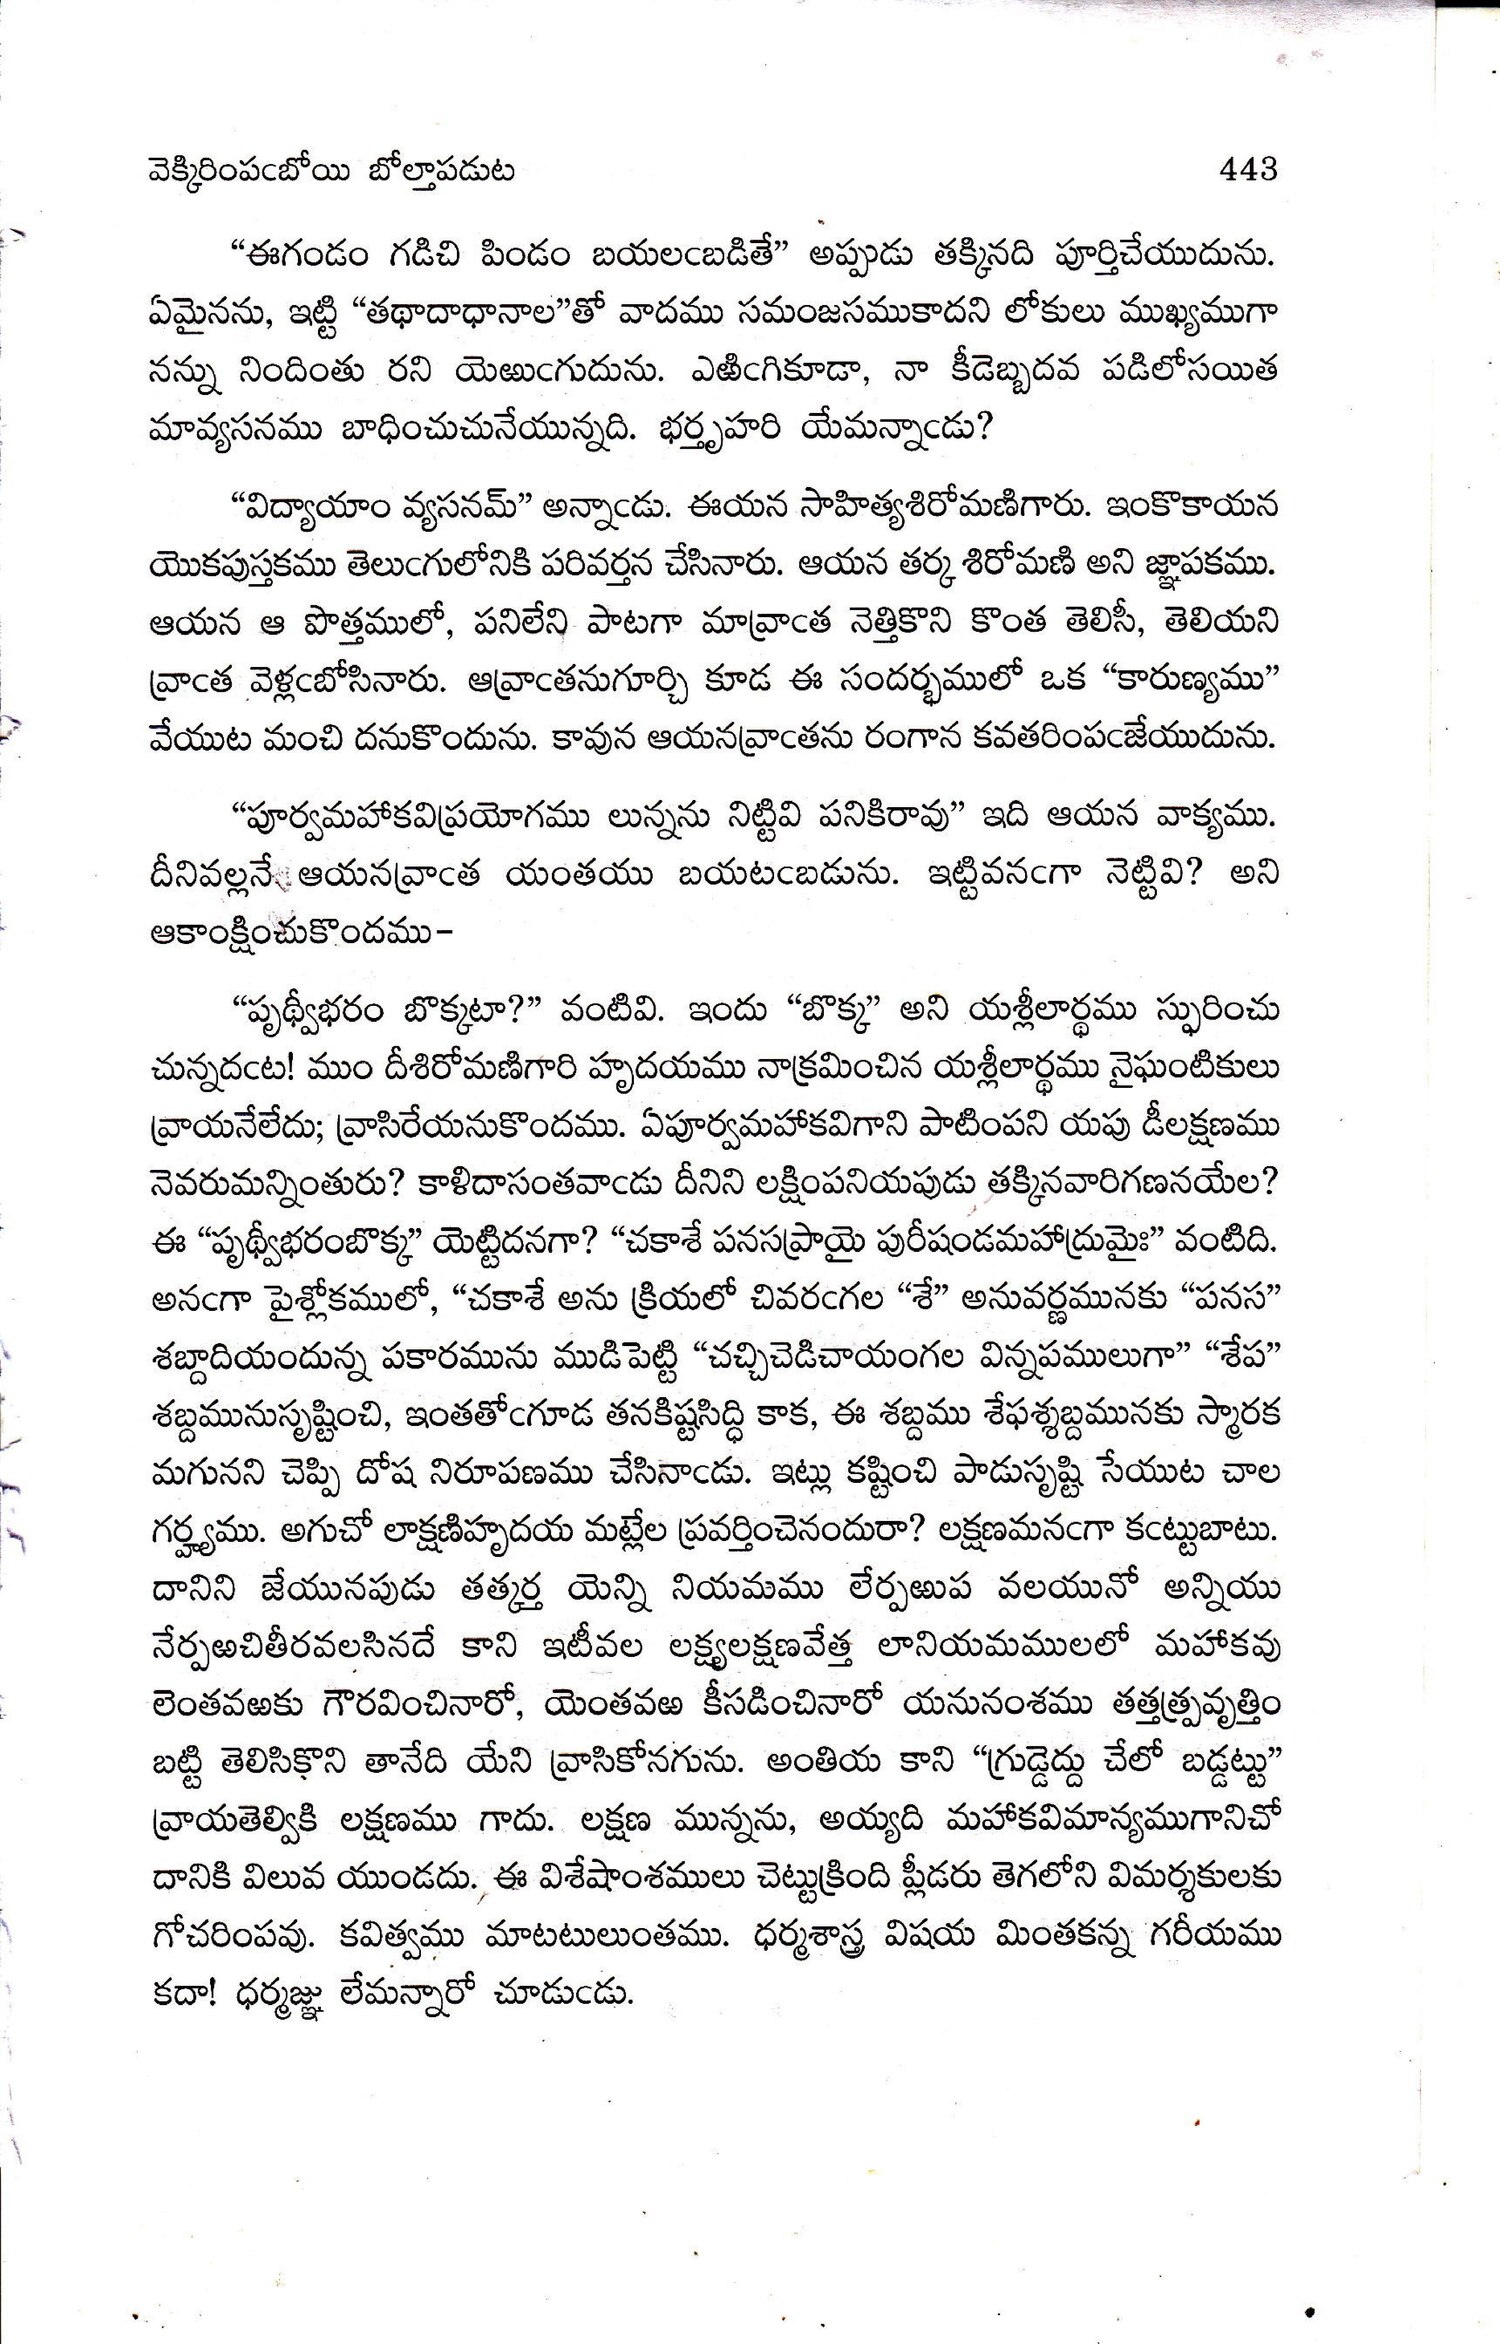“ఈగండం గడిచి పిండం బయలఁబడితే” అప్పుడు తక్కినది పూర్తిచేయుదును. ఏమైనను, ఇట్టి “తథాదాధానాల"తో వాదము సమంజసముకాదని లోకులు ముఖ్యముగా నన్ను నిందింతు రని యెఱుఁగుదును. ఎఱిఁగికూడా, నా కీడెబ్బదవ పడిలోసయిత మావ్యసనము బాధించుచునేయున్నది. భర్తృహరి యేమన్నాఁడు?

“విద్యాయాం వ్యసనమ్" అన్నాఁడు. ఈయన సాహిత్యశిరోమణిగారు. ఇంకొకాయన యొకపుస్తకము తెలుఁగులోనికి పరివర్తన చేసినారు. ఆయన తర్కశిరోమణి అని జ్ఞాపకము. ఆయన ఆ పొత్తములో, పనిలేని పాటగా మావ్రాఁత నెత్తికొని కొంత తెలిసీ, తెలియని వ్రాఁత వెళ్లఁబోసినారు. ఆవ్రాఁతనుగూర్చి కూడ ఈ సందర్భములో ఒక “కారుణ్యము" వేయుట మంచి దనుకొందును. కావున ఆయనవ్రాఁతను రంగాన కవతరింపఁజేయుదును.

“పూర్వమహాకవిప్రయోగము లున్నను నిట్టివి పనికిరావు" ఇది ఆయన వాక్యము. దీనివల్లనే ఆయనవ్రాఁత యంతయు బయటఁబడును. ఇట్టివనఁగా నెట్టివి? అని ఆకాంక్షించుకొందము- 

“పృథ్వీభరం బొక్కటా?" వంటివి. ఇందు “బొక్కు" అని యశ్లీలార్థము స్ఫురించు చున్నదఁట! ముం దీశిరోమణిగారి హృదయము నాక్రమించిన యశ్లీలార్థము నైఘంటికులు వ్రాయనేలేదు; వ్రాసిరేయనుకొందము. ఏపూర్వమహాకవిగాని పాటింపని యపు డీలక్షణము నెవరుమన్నింతురు? కాళిదాసంతవాఁడు దీనిని లక్షింపనియపుడు తక్కినవారిగణనయేల? ఈ "పృథ్వీభరంబొక్క" యెట్టిదనగా?"చకాశే పనసప్రాయై పరీషండమహాద్రమైః" వంటిది. అనఁగా పైశ్లోకములో, "చకాశే అను క్రియలో చివరఁగల "శే" అనువర్ణమునకు “పనస” శబ్దాదియందున్నపకారమును ముడిపెట్టి "చచ్చిచెడిచాయంగల విన్నపములుగా” “శేప" శబ్దమునుసృష్టించి, ఇంతతోఁగూడ తనకిష్టసిద్ధి కాక, ఈ శబ్దము శేఫశ్శబ్దమునకు స్మారకమగునని చెప్పి దోష నిరూపణము చేసినాఁడు. ఇట్లు కష్టించి పాడుసృష్టి సేయుట చాల గర్హ్యము. అగుచో లాక్షణిహృదయ మట్లేల ప్రవర్తించెనందురా? లక్షణమనఁగా కఁట్టుబాటు. దానిని జేయునపుడు తత్కర్త యెన్ని నియమము లేర్పఱుప వలయునో అన్నియు నేర్పఱచితీరవలసినదే కాని ఇటీవల లక్ష్యలక్షణవేత్త లానియమములలో మహాకవు లెంతవఱకు గౌరవించినారో, యెంతవఱ కీసడించినారో యనునంశము తత్తత్ప్రవృత్తిం బట్టి తెలిసికొని తానేది యేని వ్రాసికోనగును. అంతియ కాని "గ్రుడ్డెద్దు చేలో బడ్డట్టు" వ్రాయతెల్వికి లక్షణము గాదు. లక్షణ మున్నను, అయ్యది మహాకవిమాన్యముగానిచో దానికి విలువ యుండదు. ఈ విశేషాంశములు చెట్టుక్రింది ప్లీడరు తెగలోని విమర్శకులకు గోచరింపవు. కవిత్వము మాటటులుంతము. ధర్మశాస్త్ర విషయ మింతకన్న గరీయము కదా! ధర్మజ్ఞ లేమన్నారో చూడుcడు.